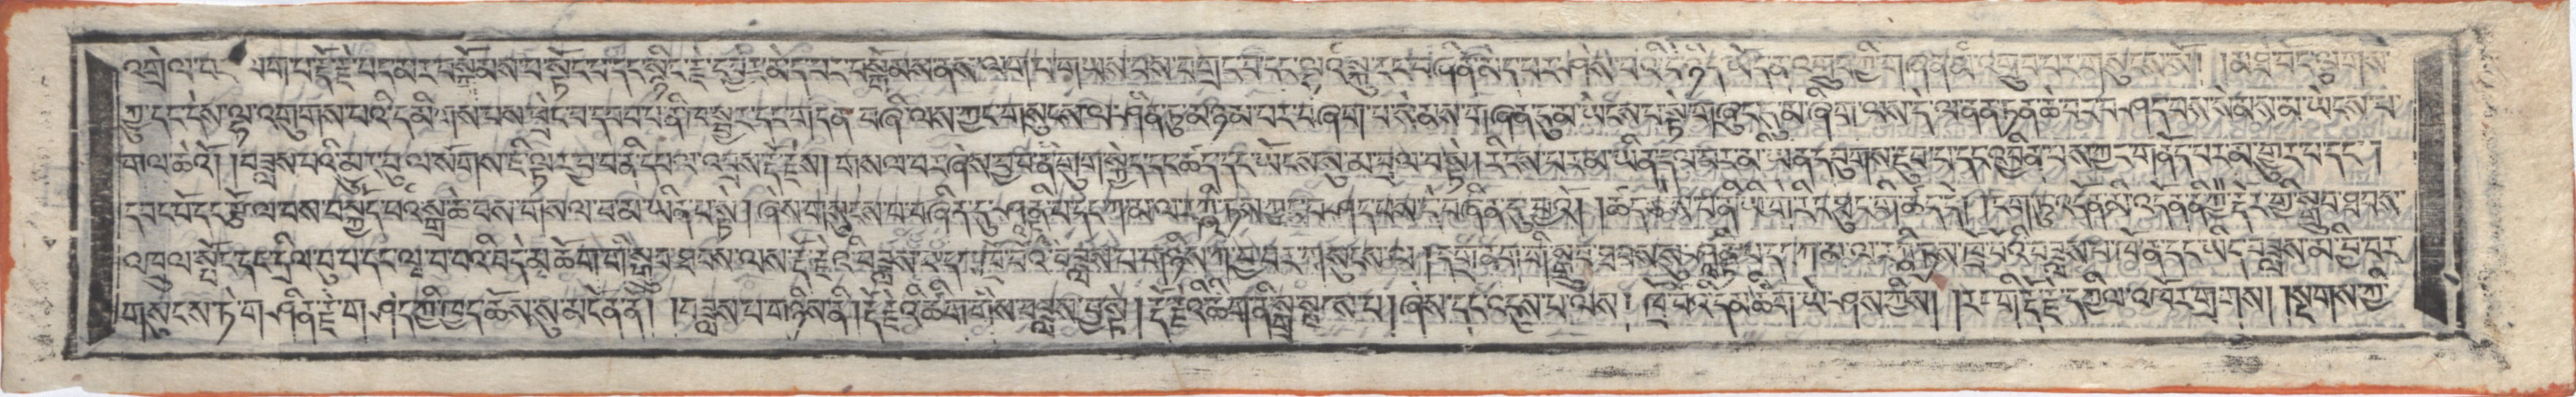འགྲེལ་བར་ལག་པ་རྡོ་རྗེ་པད་མར་བསྒོམས་པ་སྟོང་པ་དང་སྙིང་རྗེ་དབྱེར་མེད་པར་བསྒོམས་ནས་ལག་པ་གཡས་པས་བགྲང་བ་དང་ལྷའི་སྐུ་རང་བཞིན་མེད་པར་ཤེས་པའི་དེ་ཉིད་ཡོད་ན་འགྲུབ་ཀྱི་གཞན་མི་འགྲུབ་པར་གསུངས་སོ། །མཐེ་བོང་ལྕགས་
ཀྱུ་དང་དེས་ལྷ་འགུགས་པའི་དམིགས་པས་ཕྲེང་བ་དབབ་པ་ནི་ཁ་སྦྱར་དང་གདན་བཞི་ལས་ཀྱང་གསུངས་ལ་ཤིན་ཏུ་མཉམ་པར་བཞག་པ་སེམས་གཞན་དུ་མ་ཡེངས་པ་སྟེ་གཞུང་དུ་མ་ཞིག་ལས་དེ་ལ་ནན་ཏན་ཆེ་བར་བཤད་པས་སེམས་མ་ཡེངས་པ་
གལ་ཆེའོ། །བཟླས་པའི་མྱུར་བུ་ལ་སོགས་ཇི་ལྟར་བྱ་བ་ནི་དཔལ་འབྲས་རྡོ་རྗེས། གསལ་བར་ཞེས་བྱ་བ་ནི་གུག་སྐྱེད་དང་ཚད་དང་ཡོངས་སུ་མ་བྲལ་བ་སྟེ། རིངས་པར་མ་ཡིན་དལ་བར་མ་ཡིན་དབུགས་རྡུབ་པ་དང་འབྱིན་པས་ཀྱང་གནོད་པར་མ་གྱུར་པ་དང་།
དབང་པོ་དང་རྩོལ་བས་བསྐྱོད་པའི་སྒྲ་ཆེ་བས་གསལ་བ་མ་ཡིན་པ་སྟེ། ཞེས་གསུངས་པ་བཞིན་དུ་ཤཱནྟི་པ་དང་ཀ་མ་ལ་རཀྵི་ཏས་ཀྱང་བཤད་པས་དེ་བཞིན་དུ་བྱའོ། །ཚད་ཅེས་པ་ནི་ཡི་གེ་རིང་ཐུང་གི་ཚད་དོ། །ངག་ཏུ་འདོན་མི་འདོན་ནི་ཀྱཻ་རྡོར་གྱི་སྒྲུབ་ཐབས་
འཁྲུལ་སྤོང་དང་དྲིལ་བུ་པ་དང་ལྭ་བ་པའི་བདེ་མཆོག་གི་སྒྲུབ་ཐབས་ལས་རྡོ་རྗེའི་བཟླས་པ་དང་ཁྲོ་བོའི་བཟླས་པ་གཉིས་ཀ་བྱ་བར་གསུངས་ལ། དགྲ་ནག་གི་སྒྲུབ་ཐབས་སུ་ཤཱནྟི་པ་དང་ཀ་མ་ལ་རཀྵི་ཏས་ཁྲོ་བོའི་བཟླས་པ་ཁོ་ན་དང་ཡིད་བཟླས་མི་བྱ་བར་
གསུངས་ཏེ་གཤིན་རྗེ་གཤེད་ཀྱི་ཁྱད་ཆོས་སུ་མངོན་ནོ། །བཟླས་པ་གཉིས་ནི། རྡོ་རྗེའི་ཚིག་གིས་བཟླས་བྱ་སྟེ། རྡོ་རྗེའི་ཚིག་ནི་སྒྲ་སྤངས་པ། ཞེས་དང་འདུས་པ་ལས། ཁྲོ་བོའི་དམ་ཚིག་ཡེ་ཤེས་ཀྱིས། །རང་གི་རྡོ་རྗེ་དཀྱིལ་འཁོར་གྲགས། །སྔགས་ཀྱི་